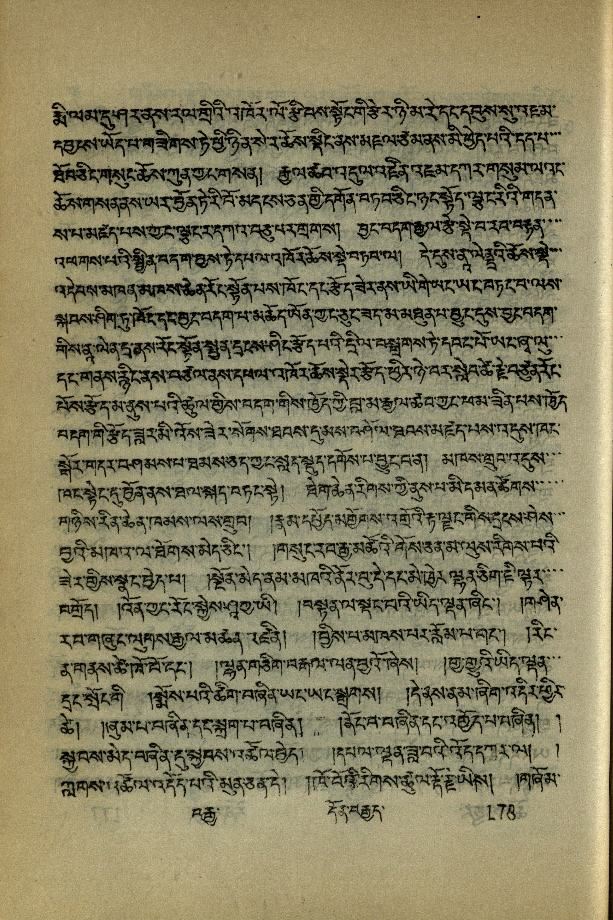རྨི་ལམ་དུ་ཤར་ནས་རལ་གྲིའི་འཁོར་ལོ་རྩིབས་སྟོང་གི་རྩེར་ཉི་མ་རེ་དང་དབུས་སུ་འཇམ་
དབྱངས་ཡོད་པ་གཟིགས་ཏེ་ཕྱི་ཉིན་སེ་ར་ཆོས་སྡིང་ནས་མཇལ་ཙམ་ནས་མི་ཕྱེད་པའི་དད་པ་
ཐོབ་ཅིང་གསུང་ཆོས་ཀུན་ཀྱང་གསན། རྒྱལ་ཚབ་འདུལ་འཛིན་འཇམ་དཀར་གསུམ་ལའང་
ཆོས་གསན་ནས་ཡར་བྱོན་ཏེ་རི་བོ་མདངས་ཅན་གྱི་དགོན་བཏབ་ཅིང་ཉང་སྟོད་ལྕང་རིའི་གདན་
ས་པ་མཛད་པས་ཀྱང་ལྕང་ར་དཀའ་བཅུ་པར་གྲགས། བྱང་བདག་རྒྱལ་རྩེ་སྡེ་བ་རབ་བརྟན་
འཕགས་པའི་སྦྱིན་བདག་བྱས་ཏེ་དཔལ་འཁོར་ཆོས་སྡེ་བཏབ་ལ། དེ་དུས་ནཱ་ལེནྡྲའི་ཆོས་སྡེ་
འདེབས་མཁན་མཁས་ཆེན་རོང་སྟོན་པས་ཁོང་དང་རྩོད་ཟེར་ནས་ཡི་གེ་ཡང་ཡང་བཏང་བ་ལས་
སྐབས་ཤིག་ཏུ་ཁོང་དང་བྱང་བདག་པ་མཆོད་ཡོན་ཀྱང་ཅུང་ཟད་མ་མཐུན་པ་བྱུང་དུས་བྱང་བདག་
གིས་ནཱ་ལེན་དྲ་ནས་རོང་སྟོན་སྤྱན་དྲངས་ཤིང་རྩོད་པའི་དྲིལ་བསྒྲགས་ཏེ་དབང་པོ་ཡང་ཞྭ་ལུ་
དང་གནས་རྙིང་ནས་བཙལ་ནས་དཔལ་འཁོར་ཆོས་སྡེར་རྩོད་ཕྱིར་ཉེ་བར་སླེབ་ཚེ་རྗེ་བཙུན་རོང་
པོས་རྩོད་མ་ནུས་པའི་ཚུལ་གྱིས་བདག་གིས་ཁྱོད་ཀྱི་བླ་མ་རྒྱལ་ཚབ་ཀྱང་ཕམ་ཟིན་པས་ཁྱོད་
བདག་གི་རྩོད་ཟླར་མི་འོས་ཟེར་སོགས་ཐབས་དུ་མས་བཤོལ་ཐབས་མཛད་པས་འདུས་ཁང་
སྒོར་གདར་བཤམས་པ་ཐམས་ཅད་ཀྱང་སླད་སྡུད་དགོས་པ་བྱུང་བ་ན། མཁས་གྲུབ་འདུས་
ཁང་སྟེང་དུ་བྱོན་ནས་ཐལ་སྐད་བཏང་སྟེ། ཐེག་ཆེན་རིགས་ཀྱི་ནུས་པ་མི་དམན་ཚོགས་
གཉིས་རིན་ཆེན་ཁམས་ལས་གྲུབ། །རྣམ་དཔྱོད་མགྱོགས་འགྲོའི་རྟ་ལྗང་གིས་དྲངས་ཤེས་
བྱའི་མཁའ་ལ་ཐོགས་མེད་ཅིང་། །གསུང་རབ་རྒྱ་མཚོའི་གོས་ཅན་མ་ལུས་རིགས་པའི་
ཟེར་གྱིས་སྣང་བྱེད་པ། །སྔོན་མེད་ནམ་མཁའི་ནོར་བུ་དེ་དང་མེ་ཁྱེར་ལྷན་ཅིག་ཇི་ལྟར་
བགྲོད། །འོན་ཀྱང་རོང་སྐྱེས་ཤཱཀྱ་ཡི། །བསྟན་ལ་སྡང་བའི་ཡིད་ལྡན་ཞིང་། །གཤེན་
རབ་གཞུང་ལུགས་རྒྱལ་མཚན་འཛིན། །བྱིས་པ་མཁས་པར་རློམ་པ་གང་། །རིང་
ན་གནས་ཚེ་ཁོ་བོ་དང་། །ལྷན་གཅིག་བརྒལ་ལན་བྱའོ་ཞེས། །གྱ་གྱུའི་ཡིད་ལྡན་
དྲང་སྲོང་གི །སྨོས་པའི་ཚིག་བཞིན་ཡང་ཡང་སྒྲགས། །དེ་ནས་ནམ་ཞིག་འདིར་ཕྱིར?
ཚེ། །ཞུམ་པ་བཞིན་དང་སྐྲག་པ་བཞིན། །ནོང་བ་བཞིན་དང་འགྱོད་པ་བཞིན། །
སྐྱབས་མེད་བཞིན་དུ་སྐྱབས་འཚོལ་བྱེད། །དཔལ་ལྡན་ཟླ་བའི་འོད་དཀར་ལ། །
ཀླགས་འཚོལ་འདོད་པའི་མུན་ཅན་དེ། །ཁོ་བོའི་རིགས་ཚུལ་རྡོ་རྗེ་ཡིས། །གཞོམ་